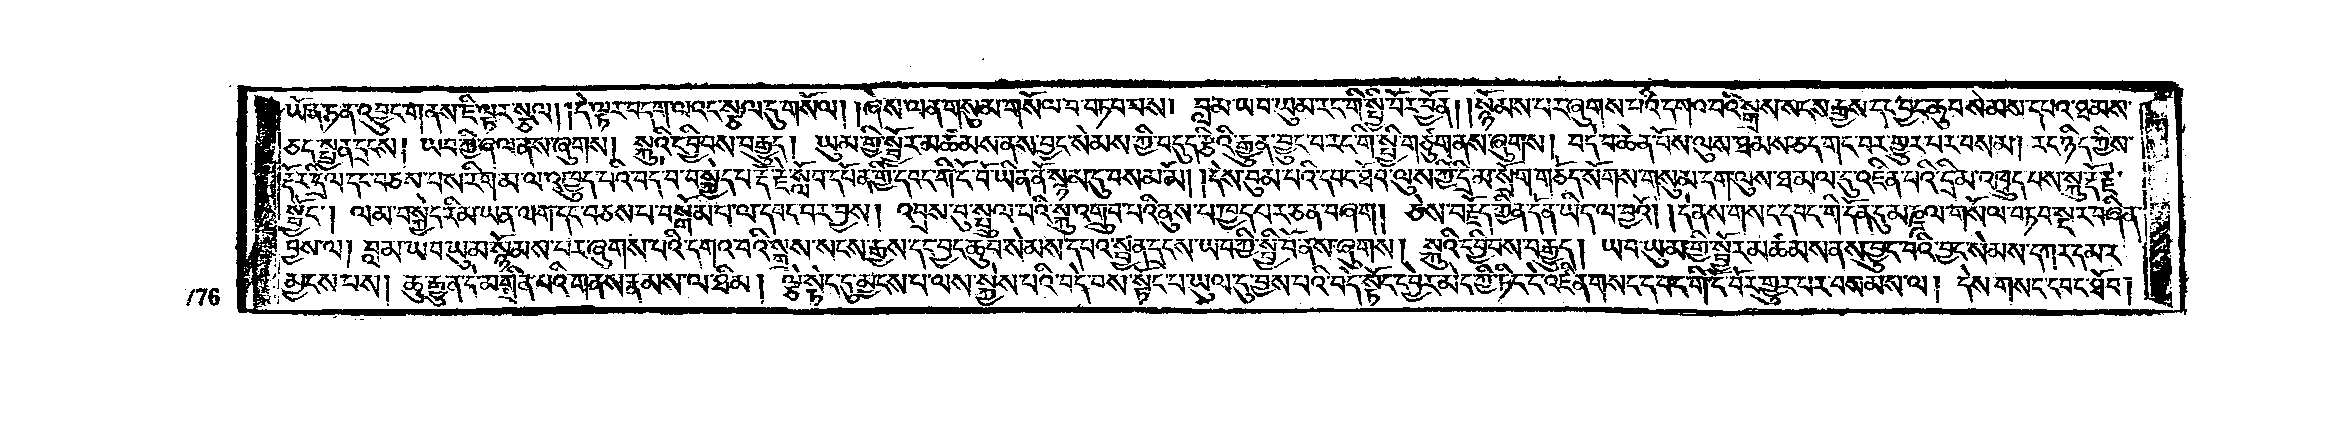ཡོན་ཏན་འབྱུང་གནས་ཇི་ལྟར་སྩལ། །དེ་ལྟར་བདག་ལའང་སྩལ་དུ་གསོལ། །ཞེས་ལན་གསུམ་གསོལ་བ་བཏབ་པས། བླ་མ་ཡབ་ཡུམ་རང་གི་སྤྱི་བོར་བྱོན། །སྙོམས་པར་ཞུགས་པའི་དགའ་བའི་སྒྲས་སངས་རྒྱས་དང་བྱང་ཆུབ་སེམས་དཔའ་ཐམས་
ཅད་སྤྱན་དྲངས། ཡབ་ཀྱི་ཞལ་ནས་ཞུགས། སྐུའི་དབྱིབས་བརྒྱུད། ཡུམ་གྱི་སྦྱོར་མཚམས་ནས་བྱང་སེམས་ཀྱི་བདུད་རྩིའི་རྒྱུན་བྱུང་བ་རང་གི་སྤྱི་གཙུག་ནས་ཞུགས། བདེ་བ་ཆེན་པོས་ལུས་ཐམས་ཅད་གང་བར་གྱུར་པར་བསམ། རང་ཉིད་ཀྱིས་
རྡོར་དྲིལ་དང་བཅས་པས་རིག་མ་ལ་འཁྱུད་པའི་བདེ་བ་བསྐྱེད་པ་རྡོ་རྗེ་སློབ་དཔོན་གྱི་དབང་གི་ངོ་བོ་ཡིན་ནོ་སྙམ་དུ་བསམ་མོ། །དེས་བུམ་པའི་དབང་ཐོབ་ལུས་ཀྱི་དྲི་མ་སྲོག་གཅོད་སོགས་གསུམ་དག་ལུས་ཐ་མལ་དུ་འཛིན་པའི་དྲི་མ་འཁྲུད་པས་སྐུ་རྡོ་རྗེ་
སྦྱོང་། ལམ་བསྐྱེད་རིམ་ཡན་ལག་དང་བཅས་པ་བསྒོམ་པ་ལ་དབང་པར་བྱས། འབྲས་བུ་སྤྲུལ་པའི་སྐུ་འགྲུབ་པའི་ནུས་པ་ཁྱད་པར་ཅན་བཞག །ཅེས་བརྗོད་ཀྱིན་དོན་ཡིད་ལ་བྱའོ། །དེ་ནས་གསང་དབང་གི་དོན་དུ་མཎྜལ་གསོལ་བཏབ་སྔར་བཞིན་
བྱས་ལ། བླ་མ་ཡབ་ཡུམ་སྙོམས་པར་ཞུགས་པའི་དགའ་བའི་སྒྲས་སངས་རྒྱས་དང་བྱང་ཆུབ་སེམས་དཔའ་སྤྱན་དྲངས་ཡབ་ཀྱི་སྤྱི་བོ་ནས་ཞུགས། སྐུའི་དབྱིབས་བརྒྱུད། ཡབ་ཡུམ་གྱི་སྦྱོར་མཚམས་ནས་བྱུང་བའི་བྱང་སེམས་དཀར་དམར་
མྱངས་པས། ཆུ་རྒྱུན་དེ་མགྲིན་པའི་གནས་རྣམས་ལ་ཐིམ། ལྕེ་སྟེང་དུ་མྱངས་པ་ལས་སྐྱེས་པའི་བདེ་བས་སྟོང་པ་ཡུལ་དུ་བྱས་པའི་བདེ་སྟོང་དབྱེར་མེད་ཀྱི་ཏིང་ངེ་འཛིན་གསང་དབང་གི་ངོ་བོར་གྱུར་པར་བསམས་ལ། དེས་གསང་དབང་ཐོབ།